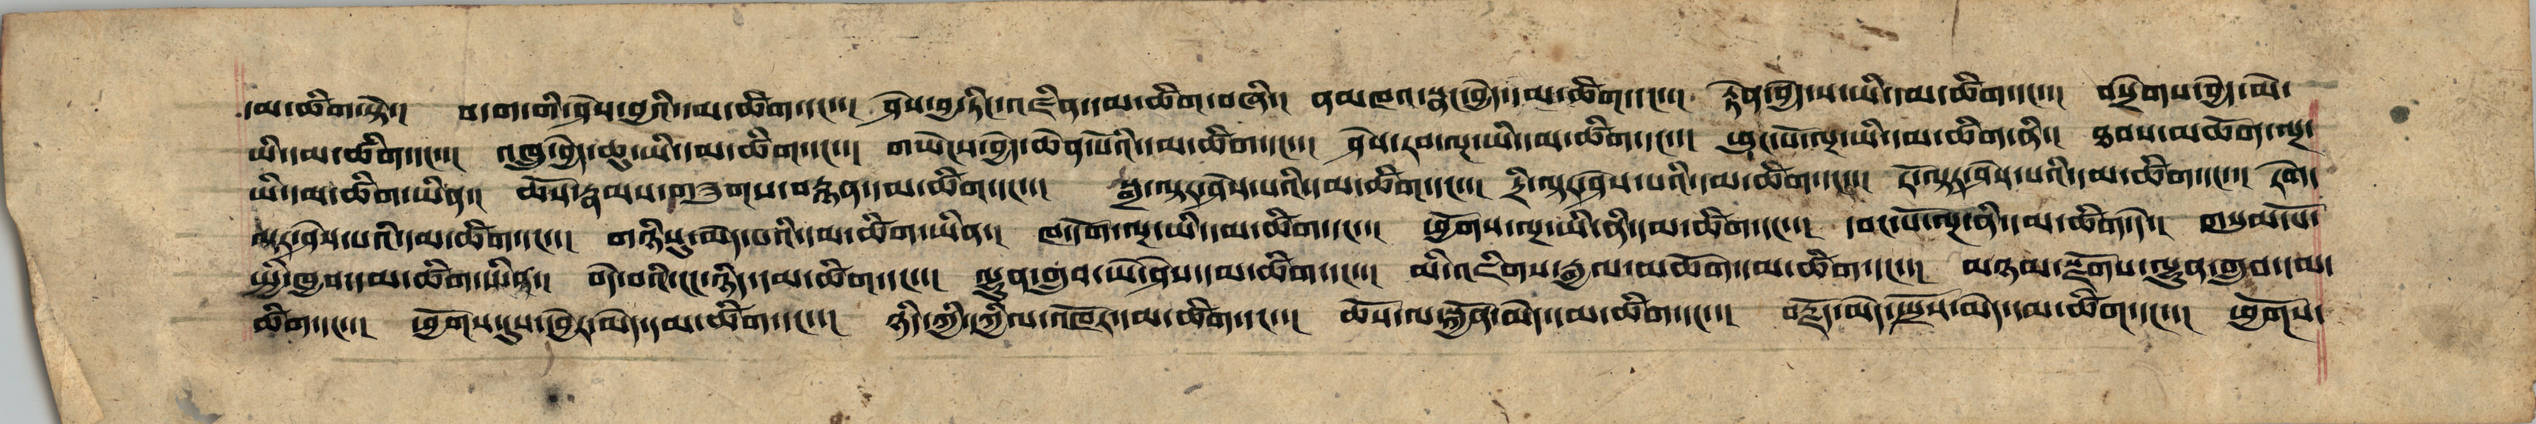དམ་ཚིག་སྟེ་། བདག་གི་ཤེས་བྱའི་དམ་ཚིག་དང་་། ཤེས་བྱ་ཏིང་འཛིན་དམ་ཚིག་བཞི་། ནམཁའ་སྣང་བྱེད་དམ་ཚིག་དང་་། རྟེན་བྱེད་ས་ཡི་དམ་ཚིག་དང་་། བསྲེགས་བྱེད་མེ་
ཡི་དམ་ཚིག་དང་་། འཁྲུ་བྱེད་ཆུ་ཡི་དམ་ཚིག་དང་་། གཡེངས་བྱེད་ཆེན་པོའི་དམ་ཚིག་དང་་། ཤེས་རབ་ལྔ་ཡི་དམ་ཚིག་དང་་། ཕུང་པོ་ལྔ་ཡི་དམ་ཚིག་ནི་། ཐབས་མཆོག་ལྔ་
ཡི་དམ་ཚིག་ཡིན་། ཆོས་རྣམས་གཟུགས་བརྙན་དམ་ཚིག་དང་་། སྒྲ་ལྟར་ཤེས་པའི་དམ་ཚིག་དང་་། དྲི་ལྟར་ཤེས་པའི་དམ་ཚིག་དང་་། རོ་ལྟར་ཤེས་པའི་དམ་ཚིག་དང་་། རེག་
ལྟར་ཤེས་པའི་དམ་ཚིག་དང་་། གཉིསུ་མེད་པའི་དམ་ཚིག་ཡིན་། ཁ་དོག་ལྔ་ཡི་དམ་ཚིག་དང་་། ཕྱོགས་ལྔ་ཡི་ནི་དམ་ཚིག་དང་་། དབང་པོ་ལྔ་ནི་དམ་ཚིག་དེ་། གསུམ་པོ་
སྤྱི་ཁྱབ་དམ་ཚིག་ཡིན་། བདེ་བའི་ངང་ཉིད་དམ་ཚིག་དང་་། ལྷུན་གྲུབ་ཡེ་ཤེས་དམ་ཚིག་དང་་། མི་འཇིགས་རྒྱལ་མཆོག་དམ་ཚིག་དདང་་། མཉམ་སྫོགས་ལྷུན་གྲུབ་དམ་
ཚིག་དང་་། ཕྱོགས་དུས་དབྱེར་མེད་དམ་ཚིག་དང་་། ཉིད་ཀྱི་དཀྱིལ་འཁོར་དམ་ཚིག་དང་་། ཆོས་ལ་སྐྱོན་མེད་དམ་ཚིག་དང་་། བརྗོད་མེད་སྤྲོས་མེད་དམ་ཚིག་དང་་། ཕྱོགས་